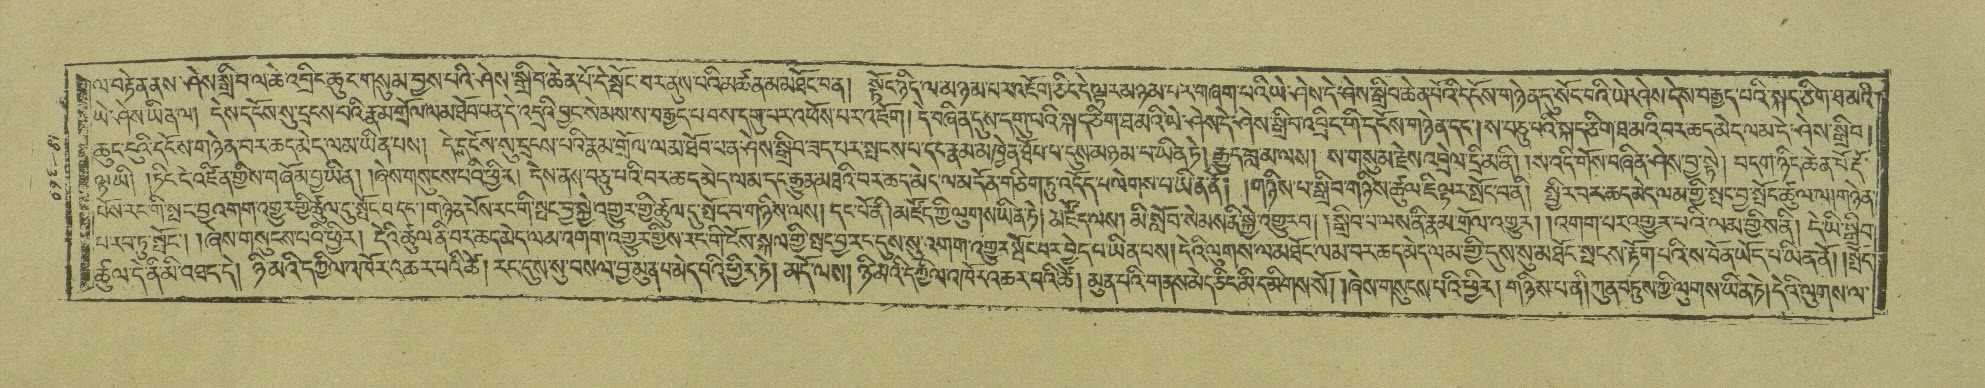ལ་བརྟེན་ནས་ཤེས་སྒྲིབ་ལ་ཆེ་འབྲིང་ཆུང་གསུམ་བྱས་པའི་ཤེས་སྒྲིབ་ཆེན་པོ་དེ་སྤོང་བར་ནུས་པའི་མཚན་མ་མཐོང་བ་ན། སྟོང་ཉིད་ལ་མཉམ་པར་འཇོག་ཅིང་དེ་ལྟར་མཉམ་པར་གཞག་པའི་ཡེ་ཤེས་དེ་ཤེས་སྒྲིབ་ཆེན་པོའི་དངོས་གཉེན་དུ་སོང་བའི་ཡེ་ཤེས་དེས་བརྒྱད་པའི་སྐད་ཅིག་ཐ་མའི་
ཡེ་ཤེས་ཡིན་ལ། དེས་དངོས་སུ་དྲངས་པའི་རྣམ་གྲོལ་ལམ་ཐོབ་པ་ན་དེ་འདྲའི་བྱང་སེམས་ས་བརྒྱད་པ་བས་དགུ་པར་འཕོས་པར་འཇོག །དེ་བཞིན་དུས་དགུ་པའི་སྐད་ཅིག་ཐ་མའི་ཡེ་ཤེས་དེ་ཤེས་སྒྲིབ་འབྲིང་གི་དངོས་གཉེན་དང་། ས་བཅུ་པའི་སྐད་ཅིག་ཐ་མའི་བར་ཆད་མེད་ལམ་དེ་ཤེས་སྒྲིབ་
ཆུང་ངུའི་དངོས་གཉེན་བར་ཆད་མེད་ལམ་ཡིན་པས། དེ་དངོས་སུ་དྲངས་པའི་རྣམ་གྲོལ་ལམ་ཐོབ་པ་ན་ཤེས་སྒྲིབ་ཟད་པར་སྤངས་པ་དང་རྣམ་མཁྱེན་ཐོབ་པ་དུས་མཉམ་པ་ཡིན་ཏེ། རྒྱུད་བླ་མ་ལས། ས་གསུམ་རྗེས་འབྲེལ་དྲི་མ་ནི། །ས་འདི་གོས་བཞིན་ཤེས་བྱ་སྟེ། བདག་ཉིད་ཆེན་པོ་རྡོ་
ལྟ་ཡི། །ཏིང་ངེ་འཛིན་གྱིས་གཞོམ་བྱ་ཡིན། །ཞེས་གསུངས་པའི་ཕྱིར། དེས་ན་ས་བཅུ་པའི་བར་ཆད་མེད་ལམ་དང་རྒྱུན་མཐའི་བར་ཆད་མེད་ལམ་དོན་གཅིག་ཏུ་འདོད་པ་ལེགས་པ་ཡིན་ནོ། །གཉིས་པ་སྒྲིབ་གཉིས་ཚུལ་ཇི་ལྟར་སྤོང་བ་ནི། སྤྱིར་བར་ཆད་མེད་ལམ་གྱི་སྤང་བྱ་སྤོང་ཚུལ་ལ། གཉེན་
པོས་རང་གི་སྤང་བྱ་འགག་འགྱུར་གྱི་ཚུལ་དུ་སྤོང་བ་དང་། གཉེན་པོས་རང་གི་སྤང་བྱ་སྐྱེ་འགྱུར་གྱི་ཚུལ་དུ་སྤོང་བ་གཉིས་ལས། དང་པོ་ནི། མཛོད་ཀྱི་ལུགས་ཡིན་ཏེ། མཛོད་ལས། མི་སློབ་སེམས་ནི་སྐྱེ་འགྱུར་བ། །སྒྲིབ་པ་ལས་ནི་རྣམ་གྲོལ་འགྱུར། །འགག་པར་འགྱུར་པའི་ལམ་གྱིས་ནི། དེ་ཡི་སྒྲིང་
པ་རབ་ཏུ་སྤོང་། །ཞེས་གསུངས་པའི་ཕྱིར། དེའི་ཚུལ་ནི་བར་ཆད་མེད་ལམ་འགག་འགྱུར་གྱིས་རང་གི་ངོས་སྐལ་གྱི་སྤང་བྱ་རང་དུས་སུ་འགག་འགྱུར་སྤོང་བར་བྱེད་པ་ཡིན་པས། དེའི་ལུགས་ལ་མཐོང་ལམ་བར་ཆད་མེད་ལམ་གྱི་དུས་སུ་མཐོང་སྤངས་རྟོག་པའི་ས་བོན་ཡོད་པ་ཡིན་ནོ། །སྤོང་
ཚུལ་དེ་ནི་མི་འཐད་དེ། ཉི་མའི་དཀྱིལ་འཁོར་འཆར་བའི་ཚེ། རང་དུས་སུ་བསལ་བྱ་མུན་པ་མེད་པའི་ཕྱིར་ཏེ། མདོ་ལས། ཉི་མའི་དཀྱིལ་འཁོར་འཆར་བའི་ཚེ། མུན་པའི་གནས་མེད་ཅིང་མི་དམིགས་སོ། །ཞེས་གསུངས་པའི་ཕྱིར། གཉིས་པ་ནི། ཀུན་བཏུས་ཀྱི་ལུགས་ཡིན་ཏེ། དེའི་ལུགས་ལ་